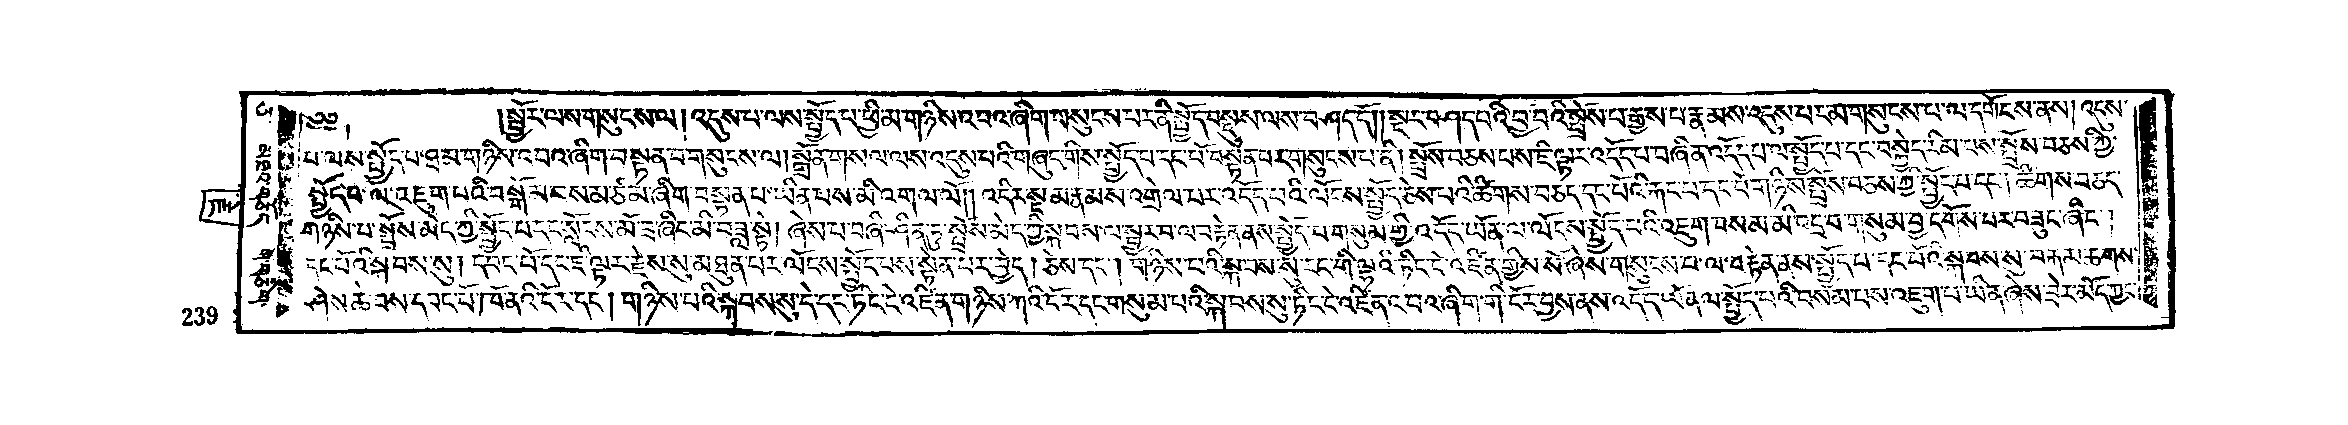༄༅། །སྦྱོར་ལས་གསུངས་ལ། འདུས་པ་ལས་སྤྱོད་པ་ཕྱི་མ་གཉིས་འབའ་ཞིག་གསུངས་པར་ནི་སྤྱོད་བསྡུས་ལས་བཤད་དོ། །སྔར་བཤད་པའི་བྱ་བའི་སྤྲོས་པ་རྒྱས་པ་རྣམས་འདུས་པར་མ་གསུངས་པ་ལ་དགོངས་ནས། འདུས་
པ་ལས་སྤྱོད་པ་ཐ་མ་གཉིས་འབའ་ཞིག་བསྟན་པ་གསུངས་ལ། སྒྲོན་གསལ་ལས་འདུས་པའི་གཞུང་གིས་སྤྱོད་པ་དང་པོ་བསྟན་པར་གསུངས་པ་ནི། སྤྲོས་བཅས་པས་ཇི་ལྟར་འདོད་པ་བཞིན་འདོད་པ་ལ་སྤྱོད་པ་དང་བསྐྱེད་རིམ་པས་སྤྲོས་བཅས་ཀྱི་
སྤྱོད་པ་ལ་འཇུག་པའི་བསྒོམ་བསམ་ཙམ་ཞིག་བསྟན་པ་ཡིན་པས་མི་འགལ་ལོ། །འདིར་སྔ་མ་རྣམས་འགྲེལ་པར་འདོད་པའི་ལོངས་སྤྱོད་ཅེས་པའི་ཚིགས་བཅད་དང་པོའི་རྐང་པ་དང་པོ་གཉིས་སྤྲོས་བཅས་ཀྱི་སྤྱོད་པ་དང་། ཚིགས་བཅད་
གཉིས་པ་སྤྲོས་མེད་ཀྱི་སྤྱོད་པ་དང་སློངས་མོ་ཟ་ཞིང་མི་བཟླ་སྟེ། ཞེས་པ་བཞི་ཤིན་ཏུ་སྤྲོས་མེད་ཀྱི་སྐབས་ལ་སྦྱར་བ་ལ་བརྟེན་ནས་སྤྱོད་པ་གསུམ་གྱི་འདོད་ཡོན་ལ་ལོངས་སྤྱོད་པའི་འཇུག་བསམ་མི་འདྲ་བ་གསུམ་བྱ་དགོས་པར་བཟུང་ཞིང་།
དང་པོའི་སྐབས་སུ། དབང་པོ་དང་ཇི་ལྟར་རྗེས་སུ་མཐུན་པར་ལོངས་སྤྱོད་པས་སྟེན་པར་བྱེད། ཅེས་དང་། གཉིས་པའི་སྐབས་སུ་རང་གི་ལྷའི་ཏིང་ངེ་འཛིན་གྱིས་སོ་ཞེས་གསུངས་པ་ལ་བརྟེན་ནས་སྤྱོད་པ་དང་པོའི་སྐབས་སུ་བརྐམ་ཆགས་
ཤས་ཆེ་བས་དབང་པོ་ཁོ་ནའི་ངོར་དང་། གཉིས་པའི་སྐབས་སུ་དེ་དང་ཏིང་ངེ་འཛིན་གཉིས་ཀའི་ངོར་དང་གསུམ་པའི་སྐབས་སུ་ཏིང་ངེ་འཛིན་འབའ་ཞིག་གི་ངོར་བྱས་ནས་འདོད་ཡོན་ལ་སྤྱོད་པའི་བསམ་པས་འཇུག་པ་ཡིན་ཞེས་ཟེར་མོད་ཀྱང་